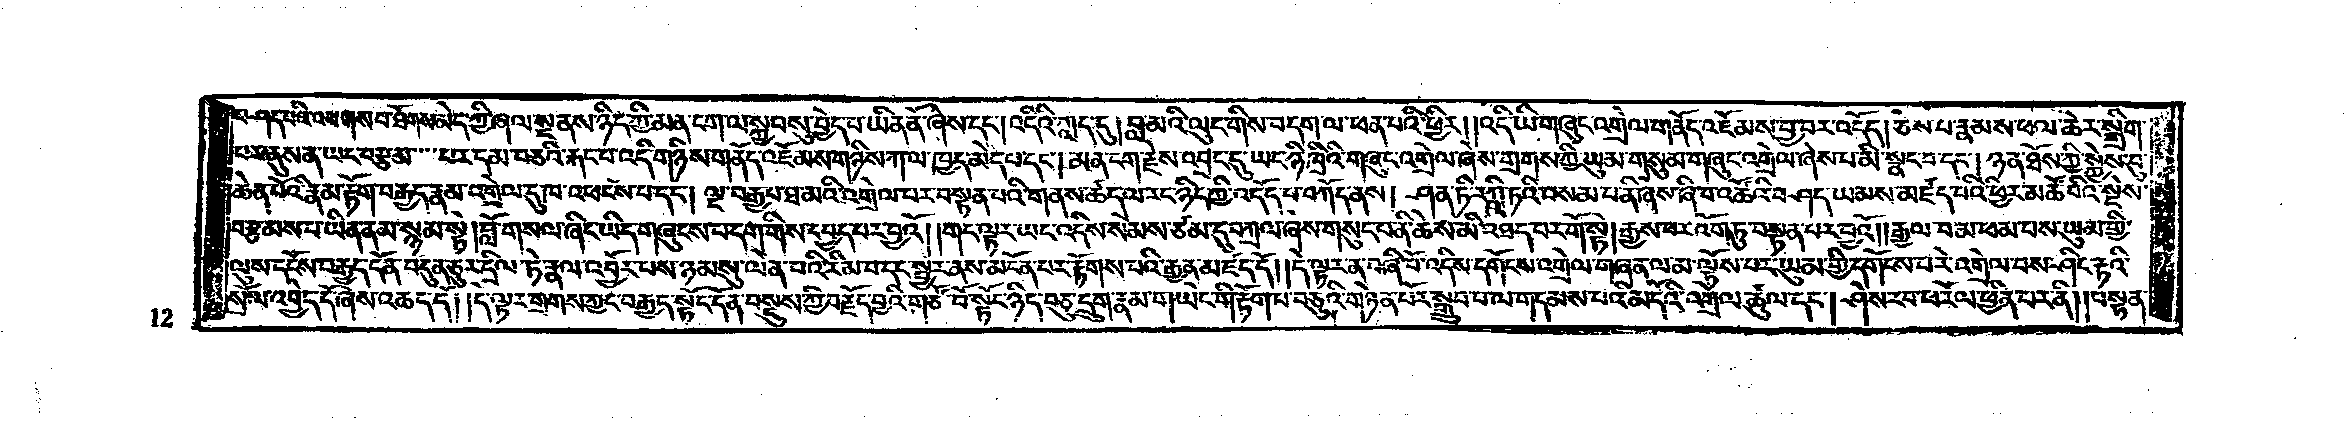བཤད་པའི་འཕགས་པ་ཐོགས་མེད་ཀྱི་ཞལ་སྔ་ནས་ཉིད་ཀྱི་མན་ངག་ལ་སྐྱབས་སུ་བྱེད་པ་ཡིན་ནོ་ཞེས་དང་། འདིའི་ཀླད་དུ། བླ་མའི་ལུང་གིས་བདག་ལ་ཕན་པའི་ཕྱིར། །འདི་ཡི་གཞུང་འགྲེལ་གནོད་འཇོམས་བྱ་བར་འདོད། ཅེས་པ་རྣམས་ཕལ་ཆེར་སྒྲིག་
པར་ནུས་ན་ཡང་བརྩམ་པར་དམ་བཅའི་རྐང་པ་འདི་གཉིས་གནོད་འཇོམས་གཉིས་ཀ་ལ་ཁྱད་མེད་པ་དང་། མན་ངག་རྗེས་འབྲང་དུ་ཡང་ཉི་ཁྲིའི་གཞུང་འགྲེལ་ཞེས་གྲགས་ཀྱི་ཡུམ་གསུམ་གཞུང་འགྲེལ་ཞེས་པ་མི་སྣང་བ་དང་། ཉན་ཐོས་ཀྱི་སྐྱེས་བུ་
ཆེན་པོའི་རྣམ་རྟོག་བརྒྱད་རྣམ་འགྲེལ་དུ་ཁ་འཕངས་པ་དང་། ལྔ་བརྒྱད་ཐ་མའི་འགྲེལ་པར་བསྟན་པའི་གནས་ཚད་ལ་རང་ཉིད་ཀྱི་འདོད་པ་བཀོད་ནས། ཤན་ཏི་རཀྵི་ཏའི་བསམ་པ་ནི་ཞེས་ཞི་བ་འཚོའི་བཤད་ཡམས་མཛད་པའི་ཕྱིར་མཆེ་བའི་སྡེས་
བརྩམས་པ་ཡིན་ནམ་སྙམ་སྟེ། བློ་གསལ་ཞིང་ཡིད་གཞུངས་པ་དག་གིས་དཔྱད་པར་བྱའོ། །གང་ལྟར་ཡང་འདིས་སེམས་ཙམ་དུ་བཀྲལ་ཞེས་གསུང་བ་ནི་ཆེས་མི་འཐད་པར་གོ་སྟེ། རྒྱས་པར་འོག་ཏུ་བསྟན་པར་བྱའོ། །རྒྱལ་བ་མ་ཕམ་པས་ཡུམ་གྱི་
ལུས་དངོས་བརྒྱད་དོན་བདུན་ཅུར་དྲིལ་ཏེ་རྣལ་འབྱོར་པས་ཉམས་སུ་ལེན་པའི་རིམ་པ་དང་སྦྱར་ནས་མངོན་པར་རྟོགས་པའི་རྒྱན་མཛད་དེ། །དེ་ལྟར་ན་བཞི་པོ་འདིས་དགོངས་འགྲེལ་གཞན་ལ་མ་ལྟོས་པར་ཡུམ་གྱི་དགོངས་པ་རེ་འགྲེལ་བས་ཤིང་རྟའི་
སྲོལ་འབྱེད་དོ་ཞེས་འཆད་དོ། །དེ་ལྟར་གྲགས་ཀྱང་བརྒྱད་སྟོང་དོན་བསྡུས་ཀྱི་བརྗོད་བྱའི་གཙོ་བོ་སྟོང་ཉིད་བཅུ་དྲུག་རྣམ་གཡེང་གི་རྟོག་པ་བཅུའི་གཉེན་པོར་སྒྲུབ་པ་ལ་གདམས་པའི་མདོའི་འགྲེལ་ཚུལ་དང་། ཤེས་རབ་ཕ་རོལ་ཕྱིན་པར་ནི། །བསྟན་